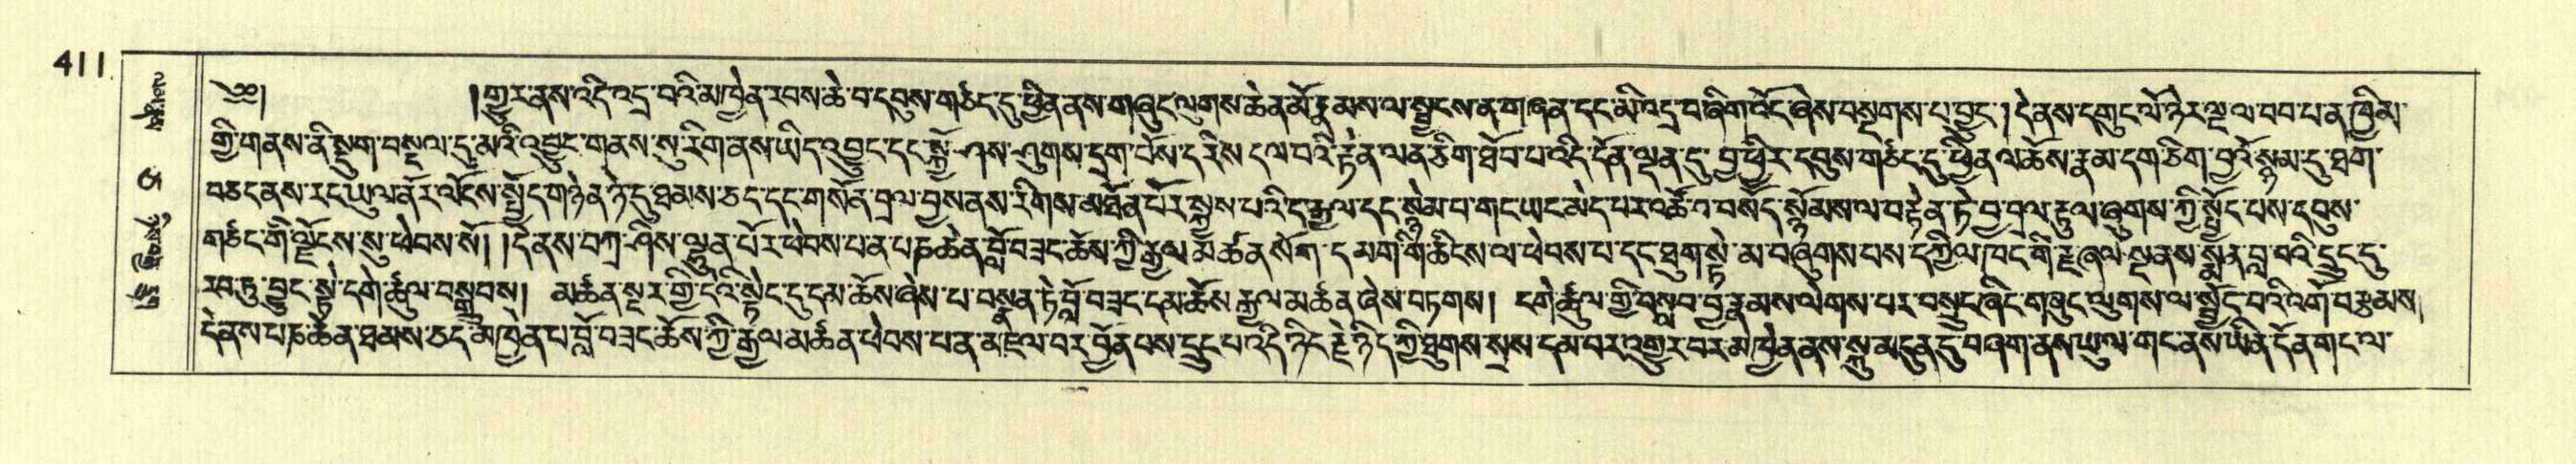༄༅། །གྱུར་ནས་འདི་འདྲ་བའི་མཁྱེན་རབས་ཆེ་བ་དབུས་གཙང་དུ་ཕྱིན་ནས་གཞུང་ལུགས་ཆེན་མོ་རྣམས་ལ་སྦྱངས་ན་གཞན་དང་མི་འདྲ་བ་ཞིག་འོང་ཞེས་བསྔགས་པ་བྱུང་། དེ་ནས་དགུང་ལོ་ཉེར་ལྔ་ལ་བབ་པ་ན་ཁྱིམ་
གྱི་གནས་ནི་སྡུག་བསྔལ་དུ་མའི་འབྱུང་གནས་སུ་རིག་ནས་ཡིད་འབྱུང་དང་སྐྱོ་ཤས་ཤུགས་དྲག་པོས་ད་རིས་དལ་བའི་རྟེན་ལན་ཅིག་ཐོབ་པ་འདི་དོན་ལྡན་དུ་བྱ་ཕྱིར་དབུས་གཙང་དུ་ཕྱིན་ལ་ཆོས་རྣམ་དག་ཅིག་བྱའོ་སྙམ་དུ་ཐག་
བཅང་ནས་རང་ཡུལ་ནོར་ལོངས་སྤྱོད་གཉེན་ཉེ་དུ་ཐམས་ཅད་དང་གསོན་བྲལ་བྱས་ནས་རིགས་མཐོན་པོར་སྐྱས་པའི་ང་རྒྱལ་དང་སྙེམ་བ་གང་ཡང་མེད་པར་འཚོ་བ་བསོད་སྙོམས་ལ་བརྟེན་ཏེ་བྱ་བྲལ་རྟུལ་ཞུགས་ཀྱི་སྤྱོད་པས་དབུས་
གཙང་གི་ལྗོངས་སུ་ཕེབས་སོ། །དེ་ནས་བཀྲ་ཤིས་ལྷུན་པོར་ཕེབས་པ་ན་པཎ་ཆེན་བློ་བཟང་ཆོས་ཀྱི་རྒྱལ་མཚན་སོགས་དམག་གི་ཆིན་གསལ་ཕེབས་པ་དང་ཐུགས་སྟེ་མ་བཞུགས་པས་དཀྱིལ་ཁང་གི་རྫ་ཞལ་སྔ་ནས་སྨན་བླ་མའི་དྲུང་དུ་
རབ་ཏུ་བྱུང་སྟེ་དགེ་ཚུལ་བསྒྲུབས། མཚན་སྔར་གྱི་དེའི་སྟེང་དུ་དམ་ཆོས་ཞེས་པ་བསྣན་ཏེ་བློ་བཟང་དམ་ཆོས་རྒྱལ་མཚན་ཞེས་བཏགས། དགེ་ཚུལ་གྱི་བསླབ་བྱ་རྣམས་ལེགས་པར་བསྲུང་ཞིང་གཞུང་ལུགས་ལ་སྦྱོད་བའི་འགོ་བརྩམས།
དེ་ནས་པཎ་ཆེན་ཐམས་ཅད་མཁྱེན་པ་བློ་བཟང་ཆོས་ཀྱི་རྒྱལ་མཚན་ཕེབས་པ་ན་མཇལ་བར་བྱོན་པས་དྲུང་པ་འདི་ཉིད་རྗེ་ཉིད་ཀྱི་ཐུགས་སྲས་དམ་བར་འགྱུར་བར་མཁྱེན་ནས་སྐུ་མདུན་དུ་བཞག་ནས་ཡུལ་གང་ནས་ཡིན་དོན་གང་ལ་